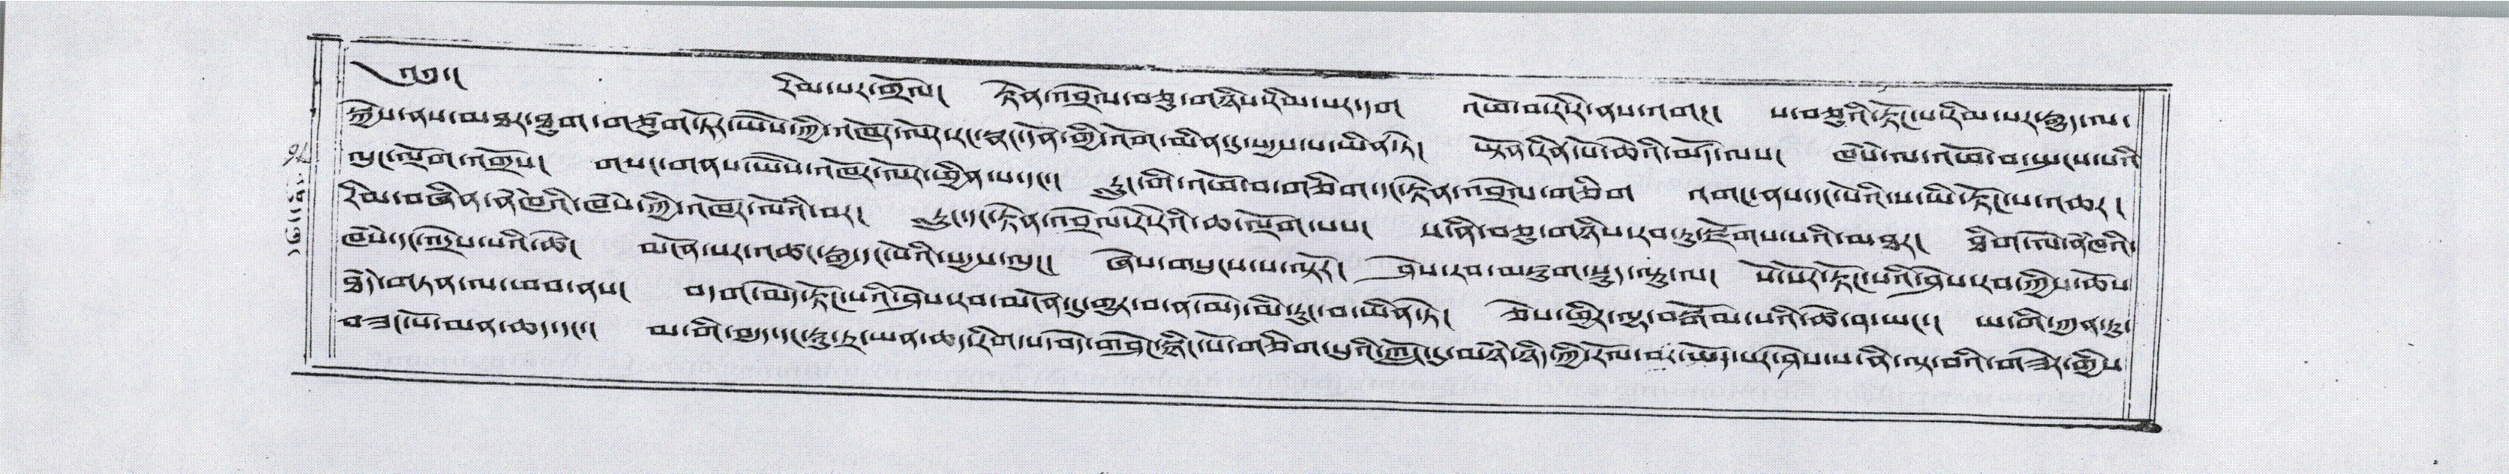རིམ་པར་གྲོལ། རྟེན་འབྲེལ་བཅུ་གཉིས་རིམ་པར་དག འཕོ་བ་རེ་རེ་ནས་འགག ས་བཅུའི་རྟོགས་པ་རིམ་པར་རྒྱུད་ལ་
སྐྱེས་ནས་མཐར་ཐུག་གཙུག་ཏོར་ཡེ་ཤེས་ཀྱི་འཁོར་ལོར་རང་སྣང་དོན་གྱི་འོག་མིན་ཏུ་སངས་རྒྱས་པ་ཡིན་ཏེ། ཡོན་ཏན་རིན་པོ་ཆེའི་མཛོད་ལས། ཁམས་ལ་འཕོ་བ་སྤངས་བའི་
ལུགས་ལྡོག་འགྲོས། གསང་གནས་ཡེ་ཤེས་འཁོར་ལོར་ཕྱིན་པ་དང་། རླུང་གི་འཕོ་བ་གཅིག་དང་རྟེན་འབྲེལ་གཅིག འགག་ནས་དང་པོའི་ས་ཡི་རྟོག་པ་འཆར། 
རིམ་བཞིན་ནམ་མཁའི་ཁམས་ཀྱི་འཁོར་ལོའི་བར། རླུང་དང་རྟེན་འབྲེལ་རེ་རེའི་ཆ་ལྡོག་པས། ས་ནི་བཅུ་གཉིས་རབ་ཏུ་རྫོགས་པའི་མཐར། ཐིག་ལེ་ནམ་མཁའི་
ཁམས་དང་འདྲེས་པའི་ཚེ། མངོན་པར་འཚང་རྒྱ་དང་པོའི་སངས་རྒྱས་ལུགས། ཞེས་གསུངས་པ་ལྟར་རོ། ཤེས་རབ་མཇུག་སྡུད་ལྟ་བུ་ལ། སོ་སོར་རྟོགས་པའི་ཤེས་རབ་ཀྱིས་ཆོས་
ཐམས་ཅད་གཏན་ལ་ཕབ་ནས། བདག་མེད་རྟོགས་པའི་ཤེས་རབ་མངོན་དུ་གྱུར་པ་ན་མེད་མི་རུང་བ་ཡིན་ཏེ། ཅིའི་ཕྱིར་ལྷ་བསྒོམ་པའི་ཚེ་ན་ཡང་། ཡ་གི་ཀུན་ཏུ་
བཟང་པོ་མན་ཆད་དང་། མ་གི་བདུད་དང་རུ་ཏྲ་ཡན་ཆད་རིག་པ་བདེར་གཤེགས་སྙིང་པོ་གཅིག་པུའི་ཀློང་དུ་མཉམ་ཉིད་ཀྱི་རོལ་པར་ཡོད་པར་ཤེས་པ་ནི་ལྟ་བའི་གཟེར་གྱིས་